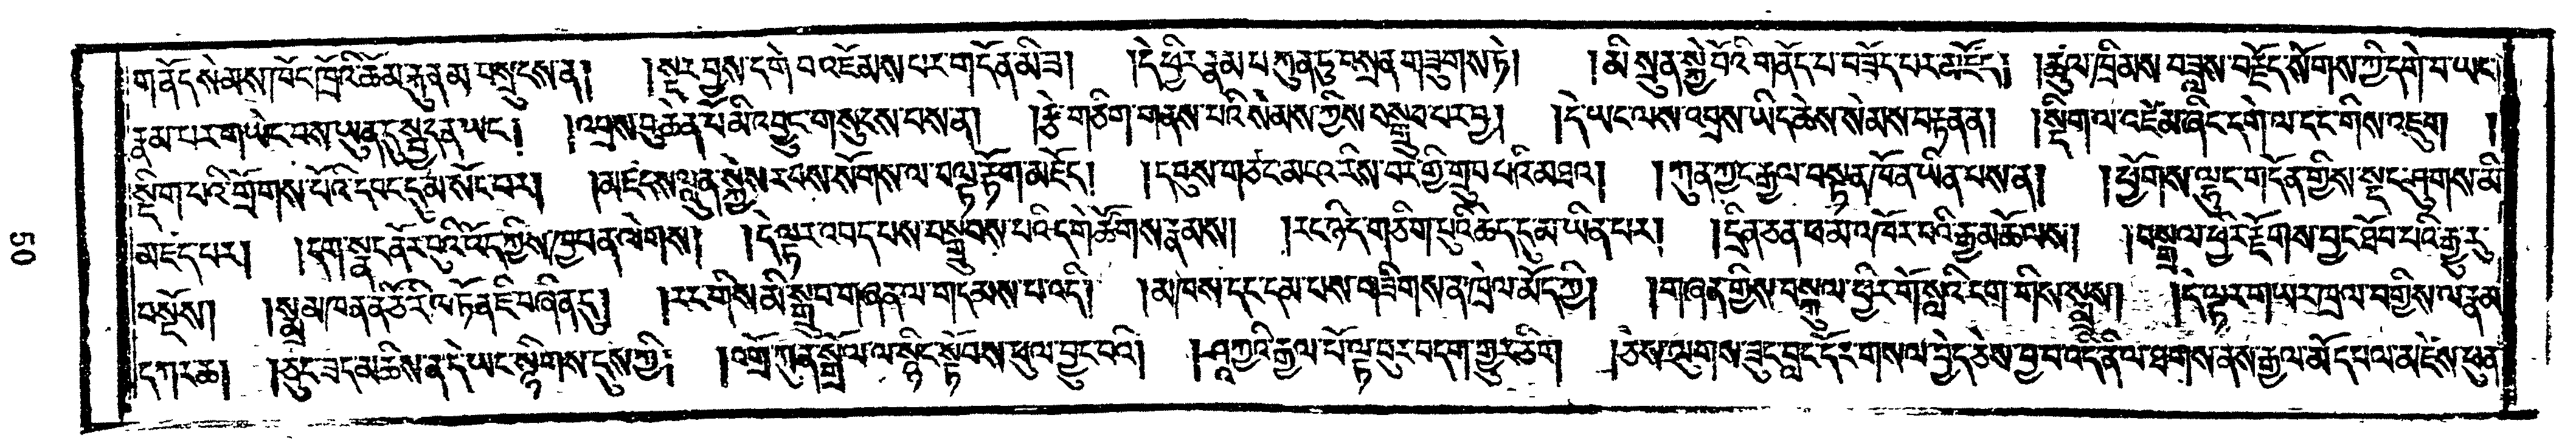གནོད་སེམས་ཁོང་ཁྲོའི་ཆོམ་རྐུན་མ་བསྲུངས་ན། །སྔར་བྱས་དགེ་བ་འཇོམས་པར་གདོན་མི་ཟ། །དེ་ཕྱིར་རྣམ་པ་ཀུན་ཏུ་བསྲན་གཟུགས་ཏེ། །མི་སྲུན་སྐྱེ་བོའི་གནོད་པ་བཟོད་པར་མཛོད། །ཚུལ་ཁྲིམས་བཟླས་བརྗོད་སོགས་ཀྱི་དགེ་བ་ཡང་
རྣམ་པར་གཡེང་བས་ཡུན་དུ་སྦྱད་ན་ཡང་། །འབྲས་བུ་ཆེན་པོ་མི་འབྱུང་གསུངས་པས་ན། །རྩེ་གཅིག་གནས་པའི་སེམས་ཀྱིས་བསྒྲུབ་པར་བྱ། །དེ་ཡང་ལས་འབྲས་ཡིད་ཆེས་སེམས་བརྟན་ན། །སྡིག་ལ་འཛེམ་ཞིང་དགེ་ལ་དང་གིས་འཇུག །
སྡིག་པའི་གྲོགས་པོའི་དབང་དུ་མ་སོང་བར། །མཛངས་ལུན་སྐྱེས་རབས་སོགས་ལ་བལྟ་རྟོག་མཛོད། །དབུས་གཙང་མངའ་རིས་བར་གྱི་གྲུབ་པའི་མཐའ། །ཀུན་ཀྱང་རྒྱལ་བསྟན་ཁོ་ན་ཡིན་པས་ན། །ཕྱོགས་ལྷུང་གདོན་གྱིས་སྡང་ཤུགས་མི་
མཛད་པར། །དག་སྣང་ནོར་བུའི་འོད་ཀྱིས་ཁྱབ་ན་ལེགས། །དེ་ལྟར་འབད་པས་བསྒྲུབས་པའི་དགེ་ཚོགས་རྣམས། །རང་ཉིད་གཅིག་པུའི་ཆེད་དུ་མ་ཡིན་པར། །དྲིན་ཅན་ཕ་མ་འཁོར་བའི་རྒྱ་མཆོ་ལས། །བསྒྲལ་ཕྱིར་རྫོགས་བྱང་ཐོབ་པའི་རྒྱུ་རུ་
བསྔོས། །སྨྲ་མཁན་ན་ཅོ་རིལ་ཏོན་ཇི་བཞིན་དུ། །རང་གིས་མི་སྒྲུབ་གཞན་ལ་གདམས་པ་འདི། །མཁས་དང་དམ་པས་གཟིགས་ན་ཁྲེལ་མོད་ཀྱི། །གཞན་གྱིས་བསྐུལ་ཕྱིར་གོ་སླའི་ངག་གིས་སྨྲས། །དེ་ལྟར་གཡར་ཁྲལ་བགྱིས་ལ་རྣམ་
དཀར་ཆ། །ཅུང་ཟད་མཆིས་ན་དེ་ཡང་སྙིགས་དུས་ཀྱི། །འགྲོ་ཀུན་སྒྲོལ་ལ་སྙིང་སྟོབས་ཕུལ་བྱུང་བའི། །ཤཱཀྱའི་རྒྱལ་པོ་ལྟ་བུར་བདག་གྱུར་ཅིག །ཅེས་ལུགས་ཟུང་བླང་དོར་གསལ་བྱེད་ཅེས་བྱ་བ་འདི་ནི་ལ་ཐགས་ནས་རྒྱལ་མོ་དཔལ་མཛེས་ཕུན་